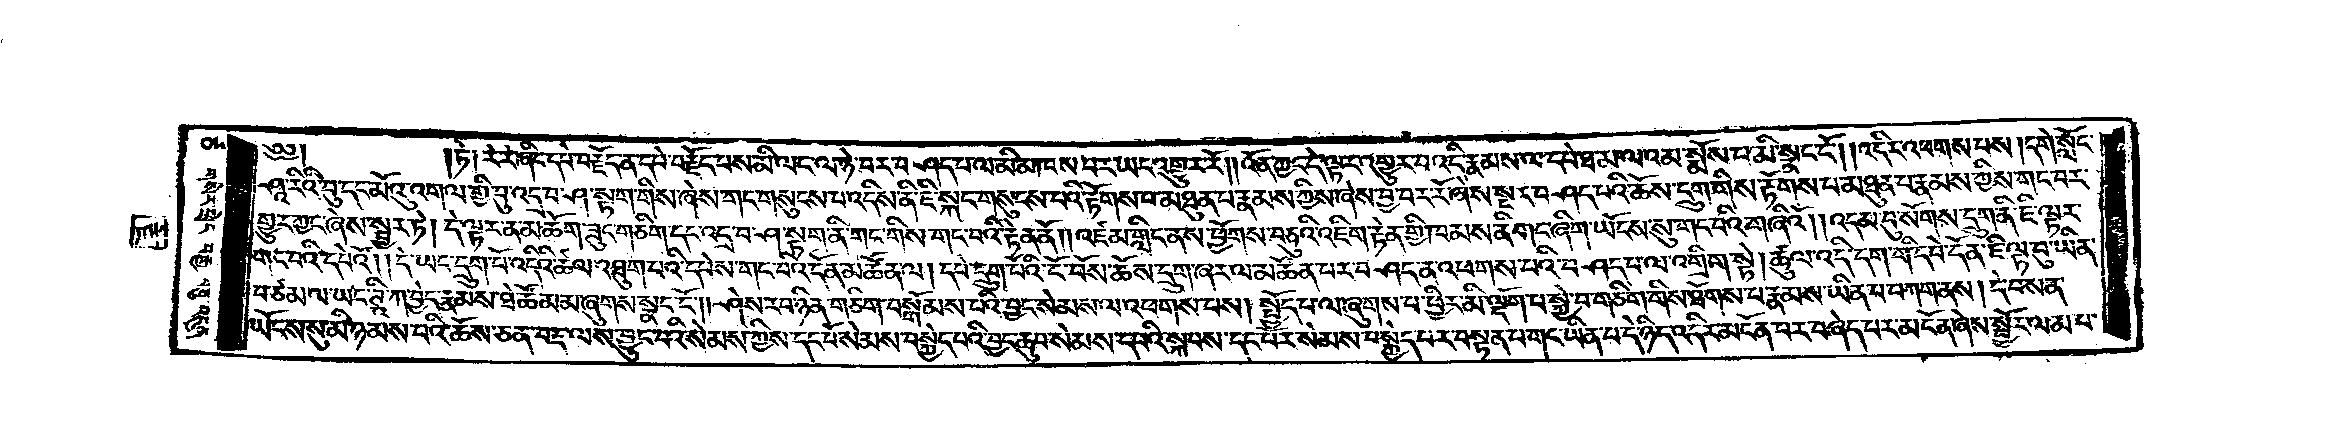༄༅། །ཏེ། རེ་རེ་ཞིང་དཔེ་བརྗོད་ན་དཔེ་བརྗོད་པས་མི་ལང་ལ་ཉེ་བར་བཤད་པ་ལ་མི་མཁས་པར་ཡང་འགྱུར་རོ། །འོན་ཀྱང་དེ་ལྟར་འགྱུར་བ་འདི་རྣམས་ལ་དཔེ་ཐ་མ་ལ་འམ་སྨོས་པ་མི་སྣང་ངོ། །འདིར་འཕགས་པས། དགེ་སློང་
ཤཱ་རིའི་བུ་དང་མོའུ་འགལ་གྱི་བུ་འདྲ་བ་ཤ་སྟག་གིས་ཞེས་གང་གསུངས་པ་འདིས་ནི་ཇི་སྐད་གསུངས་པའི་རྟོགས་པ་མཐུན་པ་རྣམས་ཀྱིས་ཞེས་བྱ་བར་རོ་ཞེས་སྔར་བཤད་པའི་ཆོས་དྲུག་གིས་རྟོགས་པ་མཐུན་པ་རྣམས་ཀྱིས་གང་བར་
གྱུར་ཀྱང་ཞེས་སྦྱར་ཏེ། དེ་ལྟར་ན་མཆོག་ཟུང་གཅིག་དང་འདྲ་བ་ཤ་སྟག་ནི་གང་གིས་གང་བའི་རྟེན་ནོ། །འཛམ་གླིང་ནས་ཕྱོགས་བཅུའི་འཇིག་རྟེན་གྱི་ཁམས་ནི་གང་ཞིག་ཡོངས་སུ་གང་བའི་གཞིའོ། །འདམ་བུ་སོགས་དྲུག་ནི་ཇི་ལྟར་
གང་བའི་དཔེའོ། །དེ་ཡང་དྲུག་པ་འདིའི་ཚལ་འཐུག་པའི་དཔེས་གང་བའི་དོན་མཚོན་ལ། དཔེ་དྲུག་པའི་ངོ་བོས་ཆོས་དྲུག་ཞར་ལ་མཚོན་པར་བཤད་ན་འཕགས་པའི་བཤད་པ་ལ་འགྲིག་སྟེ། ཚུལ་འདི་དག་གི་དཔེ་དོན་ཇི་ལྟ་བུ་ཡིན་
པ་ཙམ་ལ་ཡང་ཊཱི་ཀ་བྱེད་རྣམས་ཐེ་ཚོམ་མ་ཞུགས་སྣང་ངོ། །ཤེས་རབ་ཉིན་གཅིག་བསྒོམས་པའི་བྱང་སེམས་ལ་འཕགས་པས། སྤྱོད་པ་ལ་ཞུགས་པ་ཕྱིར་མི་ལྡོག་པ་སྐྱེ་བ་གཅིག་གིས་ཐོགས་པ་རྣམས་ཡིན་པ་བཀག་ནས། དེ་བས་ན་
ཡོངས་སུ་མི་ཉམས་པའི་ཆོས་ཅན་བརྡ་ལས་བྱུང་བའི་སེམས་ཀྱིས་དང་པོ་སེམས་བསྐྱེད་པའི་བྱང་ཆུབ་སེམས་དཔའ་སྐབས་དང་པོར་སེམས་བསྐྱེད་པར་བསྟན་པ་གང་ཡིན་པ་དེ་ཉིད་འདིར་མངོན་པར་བཞེད་པར་མངོན་ཞེས་སྦྱོར་ལམ་པ་